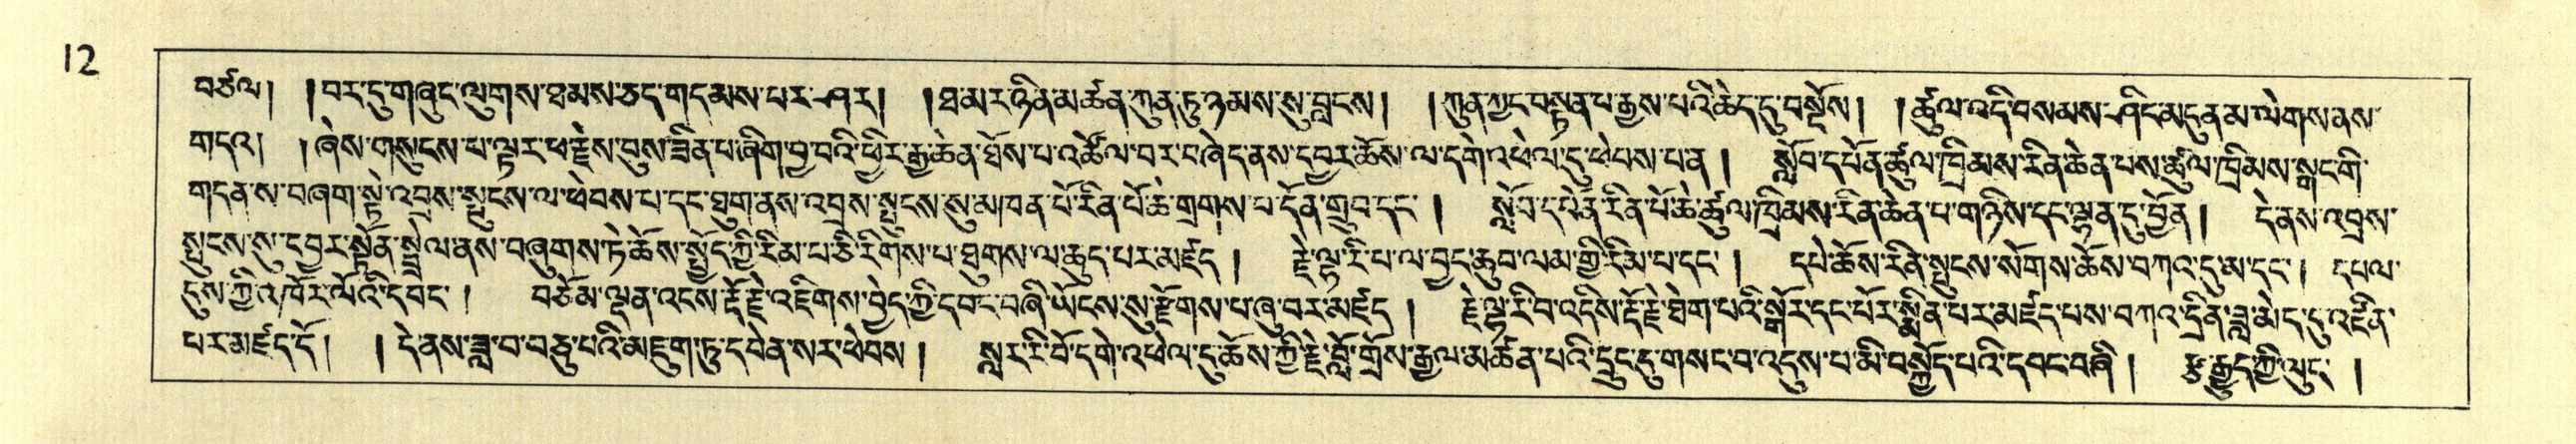བཙལ། །བར་དུ་གཞུང་ལུགས་ཐམས་ཅད་གདམས་པར་ཤར། །ཐ་མར་ཉིན་མཚན་ཀུན་ཏུ་ཉམས་སུ་བླངས། །ཀུན་ཀྱང་བསྟན་པ་རྒྱས་པའི་ཆེད་དུ་བསྔོས། །ཚུལ་འདི་བསམས་ཤིང་མདུན་མ་ལེགས་ནས་
གདའ། །ཞེས་གསུངས་པ་ལྟར་ཕ་རྗེས་བུས་ཟིན་པ་ཞིག་བྱ་བའི་ཕྱིར་རྒྱ་ཆེན་ཐོས་པ་འཚོལ་བར་བཞེད་ནས་དབྱར་ཆོས་ལ་དགེ་འཕེལ་དུ་ཕེབས་པ་ན། སློབ་དཔོན་ཚུལ་ཁྲིམས་རིན་ཆེན་པས་ཚུལ་ཁྲིམས་སྒང་གི་
གདན་ས་བཞག་སྟེ་འབྲས་སྤུངས་ལ་ཕེབས་པ་དང་ཐུག་ནས་འབྲས་སྤུངས་སུ་མཁན་པོ་རིན་པོ་ཆེ་གྲགས་པ་དོན་གྲུབ་དང་། སློབ་དཔོན་རིན་པོ་ཆེ་ཚུལ་ཁྲིམས་རིན་ཆེན་པ་གཉིས་དང་ལྷན་དུ་བྱོན། དེ་ནས་འབྲས་
སྤུངས་སུ་དབྱར་སྟོན་སྦྲེལ་ནས་བཞུགས་ཏེ་ཆོས་སྤྱོད་ཀྱི་རིམ་པ་ཅི་རིགས་པ་ཐུགས་ལ་ཆུད་པར་མཛད། རྗེ་ལྷ་རི་པ་ལ་བྱང་ཆུབ་ལམ་གྱི་རིམ་པ་དང་། དཔེ་ཆོས་རིན་སྤུངས་སོགས་ཆོས་བཀའ་དུ་མ་དང་། དཔལ་
དུས་ཀྱི་འཁོར་ལོའི་དབང་། བཅོམ་ལྡན་འདས་རྡོ་རྗེ་འཇིགས་བྱེད་ཀྱི་དབང་བཞི་ཡོངས་སུ་རྫོགས་པ་ཞུ་བར་མཛད། རྗེ་ལྷ་རི་བ་འདིས་རྡོ་རྗེ་ཐེག་པའི་སྒོར་དང་པོར་སྨིན་པར་མཛད་པས་བཀའ་དྲིན་ཟླ་མེད་དུ་འཛིན་
པར་མཛད་དོ། །དེ་ནས་ཟླ་བ་བཅུ་པའི་མཇུག་ཏུ་དབེན་སར་ཕེབས། སླར་རི་བོ་དགེ་འཕེལ་དུ་ཆོས་ཀྱི་རྗེ་བློ་གྲོས་རྒྱལ་མཚན་པའི་དྲུང་དུ་གསང་བ་འདུས་པ་མི་བསྐྱོད་པའི་དབང་བཞི། རྩ་རྒྱུད་ཀྱི་ལུང་།